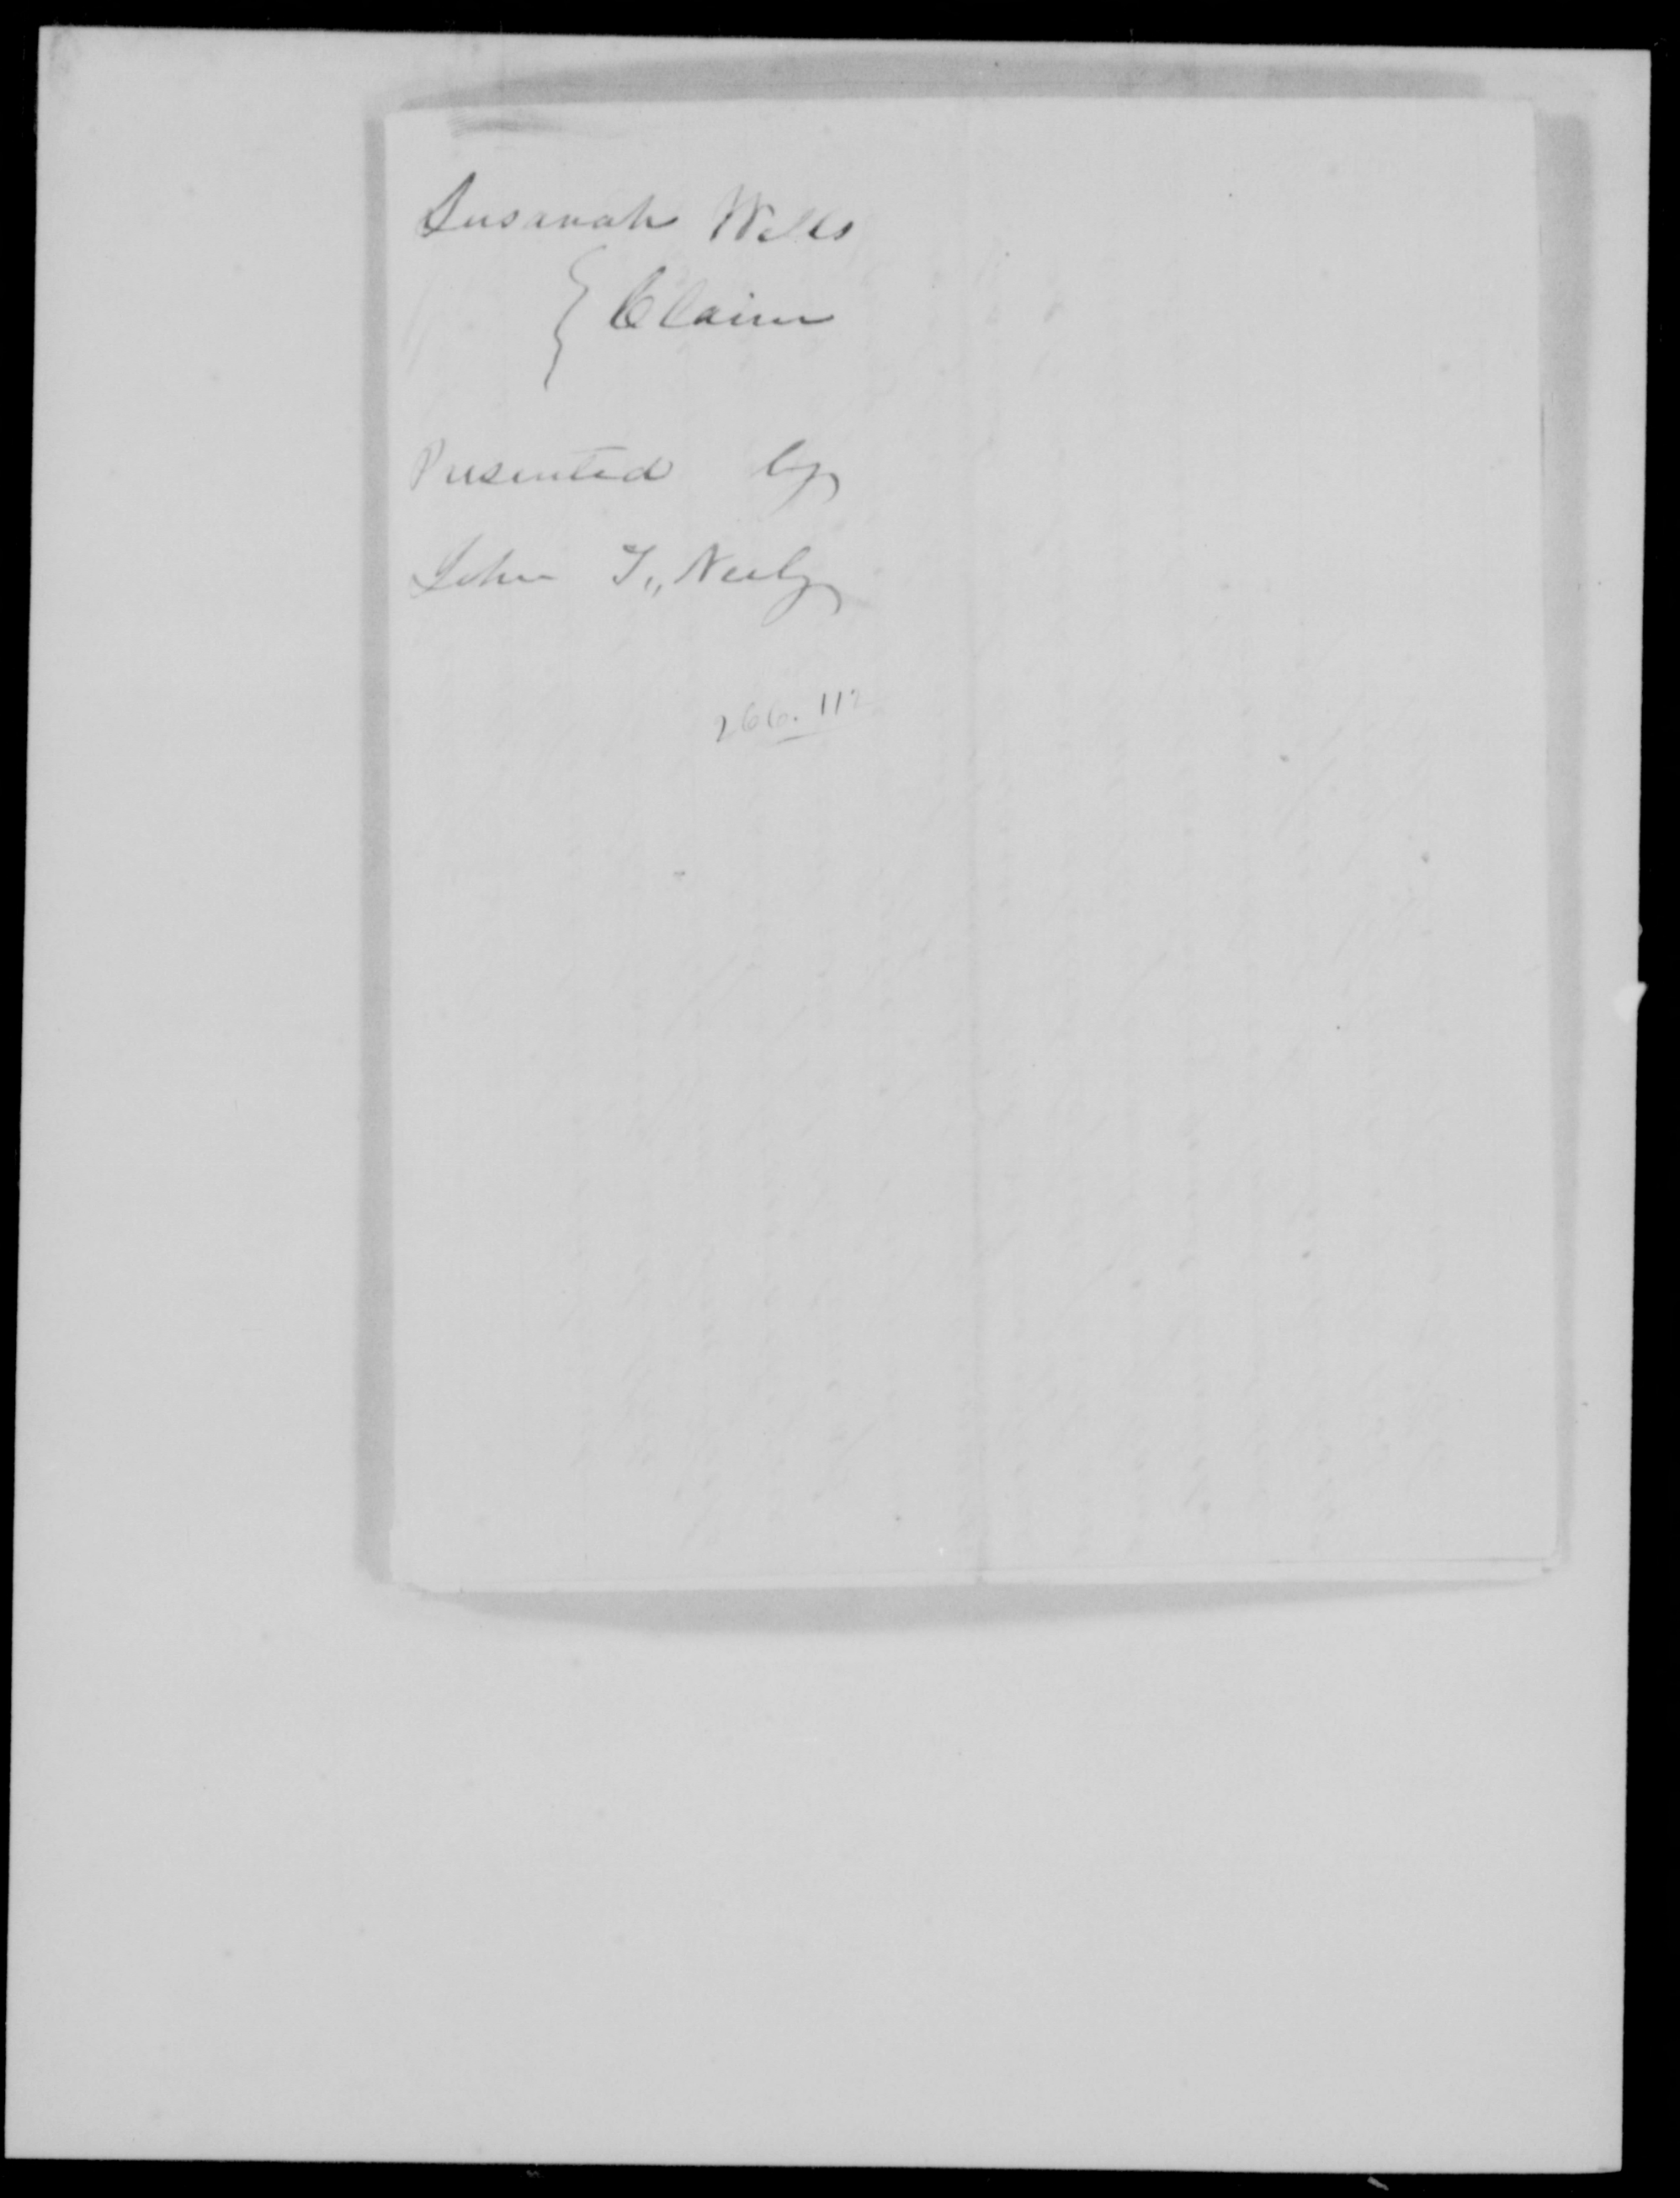Susanah Wells
Claim
Presented by
John T Neely
266.112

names: Susanah Wells, John T Neely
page: 11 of 100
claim: widow's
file: W. 6437, Richard Wells, Ga Va.